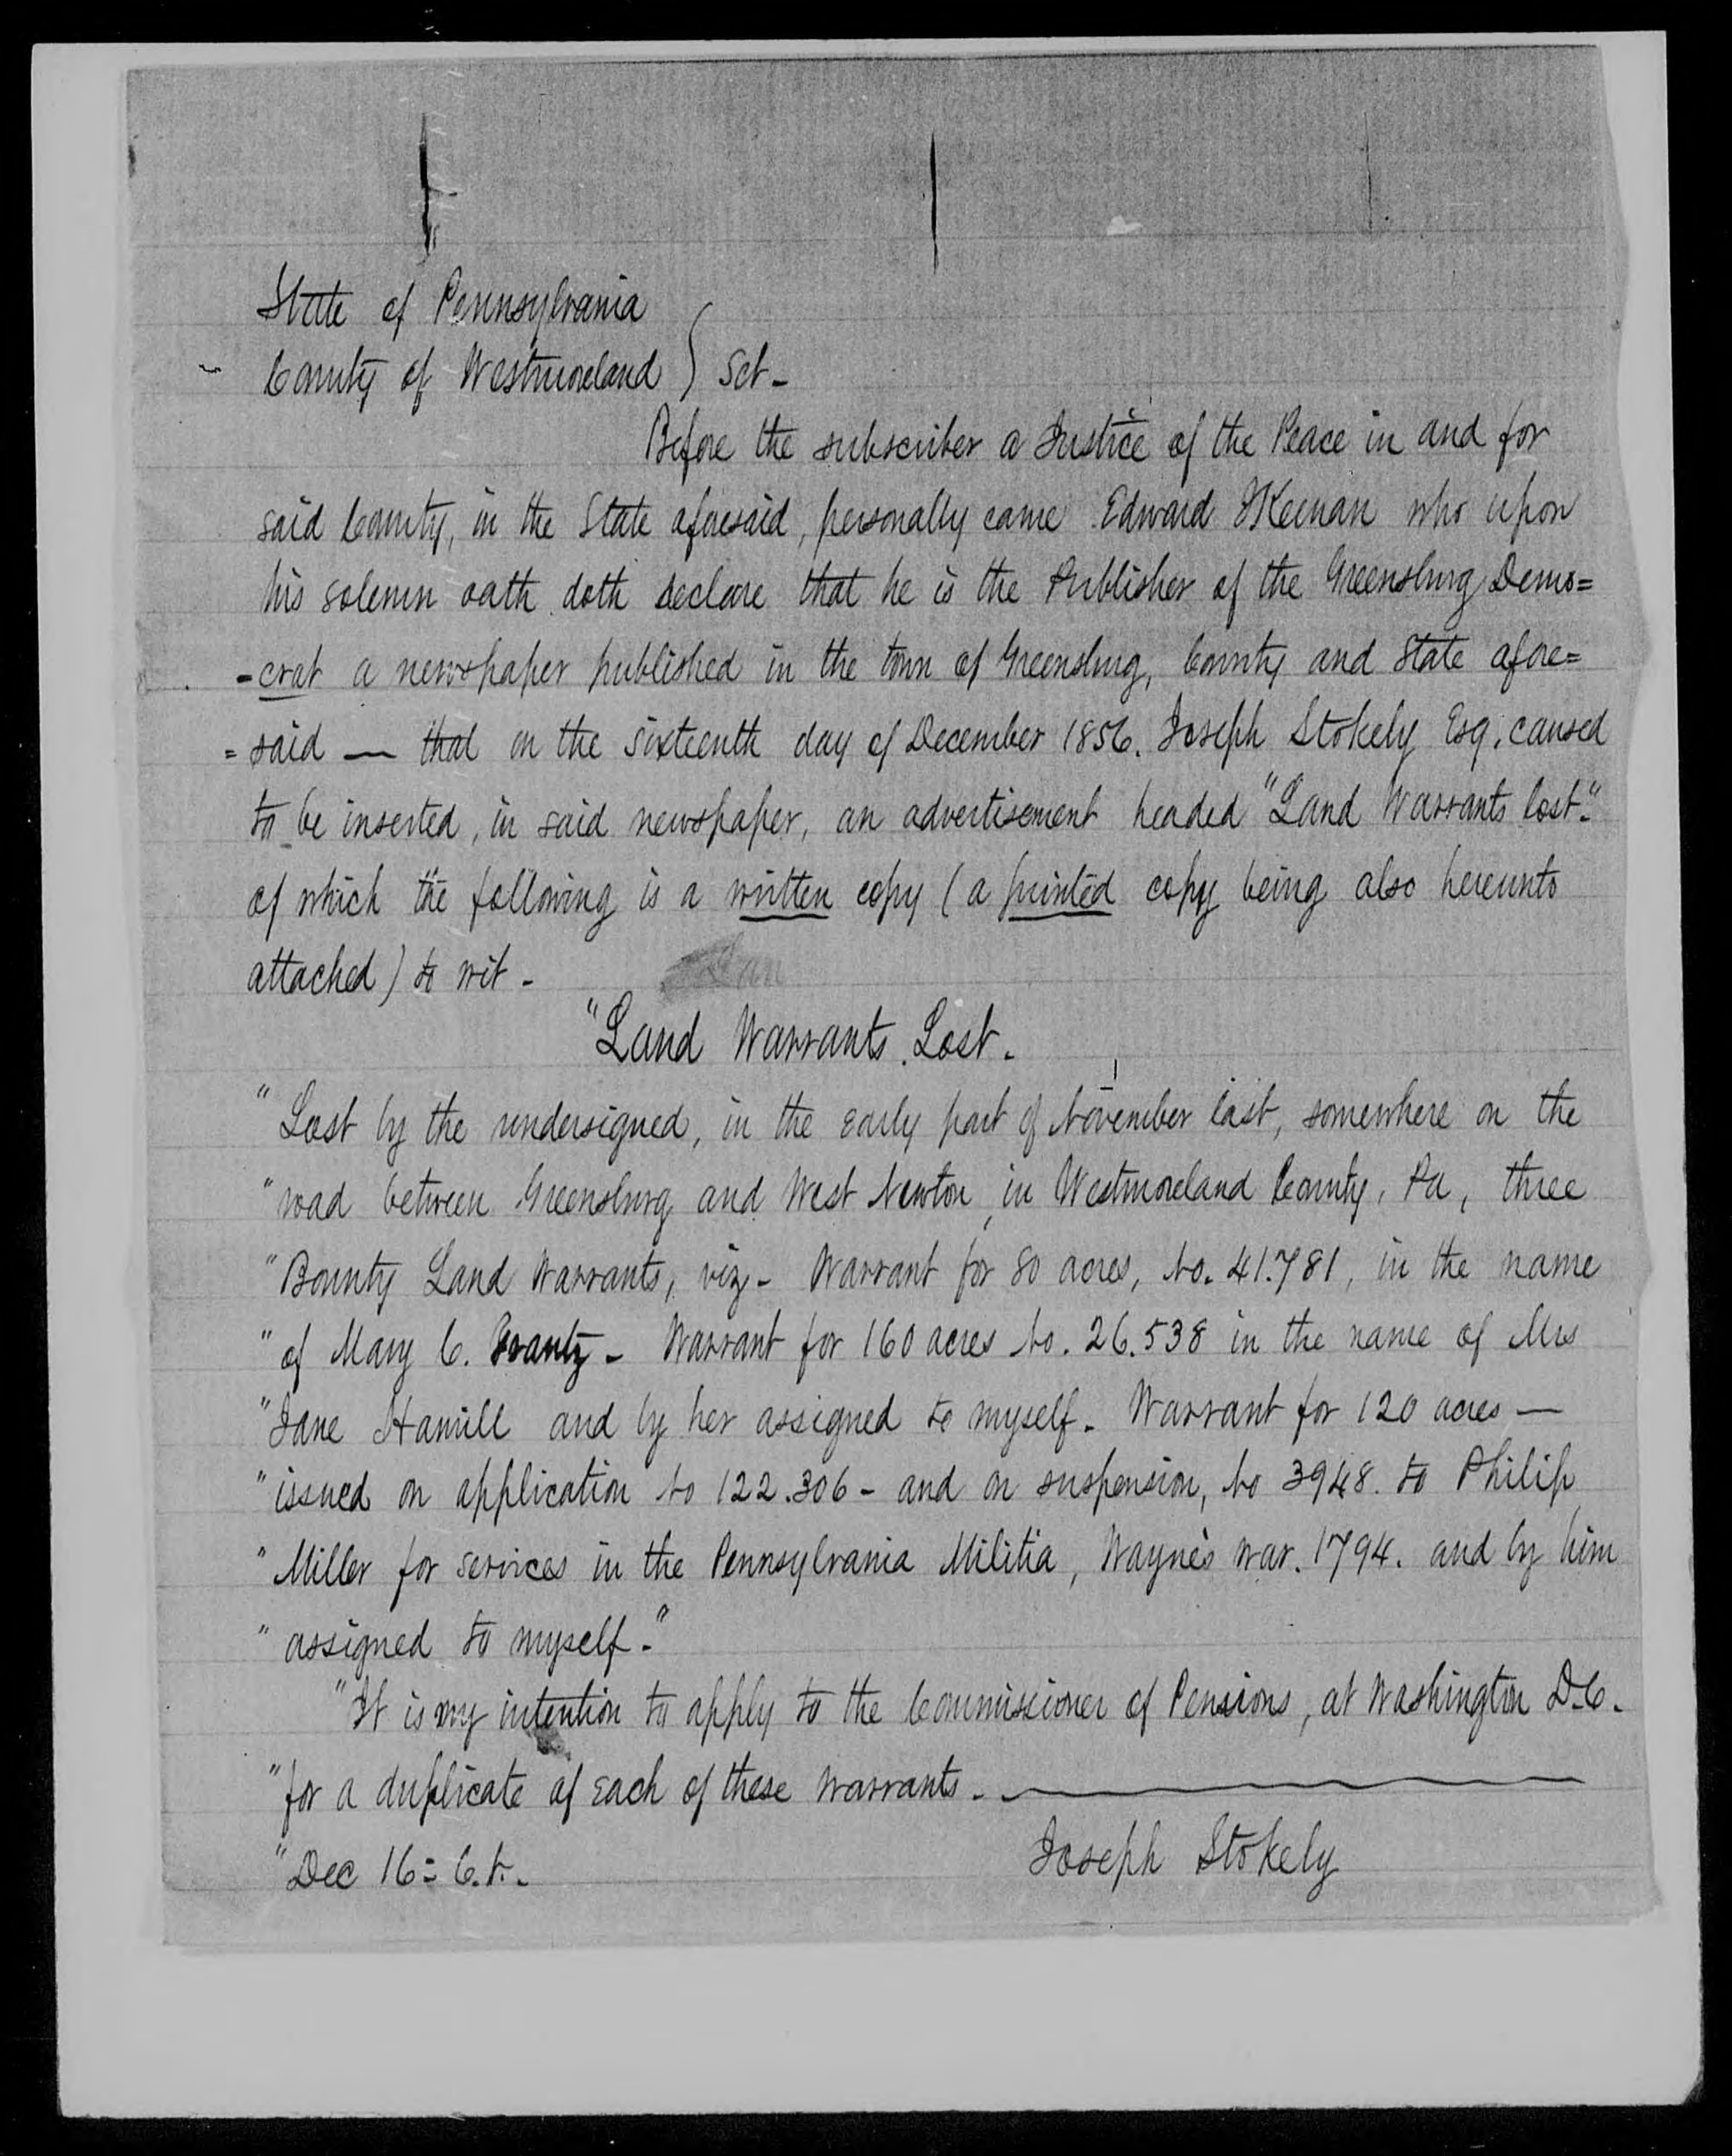State of Pennsylvania
County of Westmoreland Sch
Before the subscriber a Justice of the Peace in and for 
said [ineligible], in the State aforesaid, personally came. Edward Keenan who upon
his solemn oath doth declare that he is the publisher of the Greensburg Demo -
crat a newspaper published the town of Greensburg, County and State afore -
said _ that on the sixteenth day of December 1856. Joseph Stokely [ineligible] caused
to be inserted, in said newspaper, an advertisement headed "Land Warrants Lost."
of which the following is a written  copy (a printed copy being also hereunto
attached) to [ineligible].

"Land Warrants Lost.
"Last by the undersigned, in the early part of November last, somewhere on the
"road between Greensburg and West Newton, in Westmoreland beauty, Pa, three
"Bounty Land warrants, [ineligible] warrant for 80 acres, lo. 41.791, in the name 
"of Mary C. Frantz. Warrant for 160 acres lo. 26.538 in the name of Mrs. 
"Jane Hamell and by her assigned to myself. Warrant for 120 acres -
"issues on application lo 122.306 - and on suspension, lo 3948 to Philip
"Miller for services in the Pennsylvania Militia, Wayne's war. 1794. and by him assigned to myself."
"It is my intention to apply to the  Commissioner of Pensions, at Washington D.C.
"for a duplicate of each of these warrants.
"Dec 16:6. [ineligible]
Joseph Stokely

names: Philip Miller, Joseph Stokely, Joseph Stokely, Mary C Frantz, Edward J Keenan, Jane Hamill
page: 58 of 92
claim: widow's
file: W 1173, Robert Hamill, Penn.